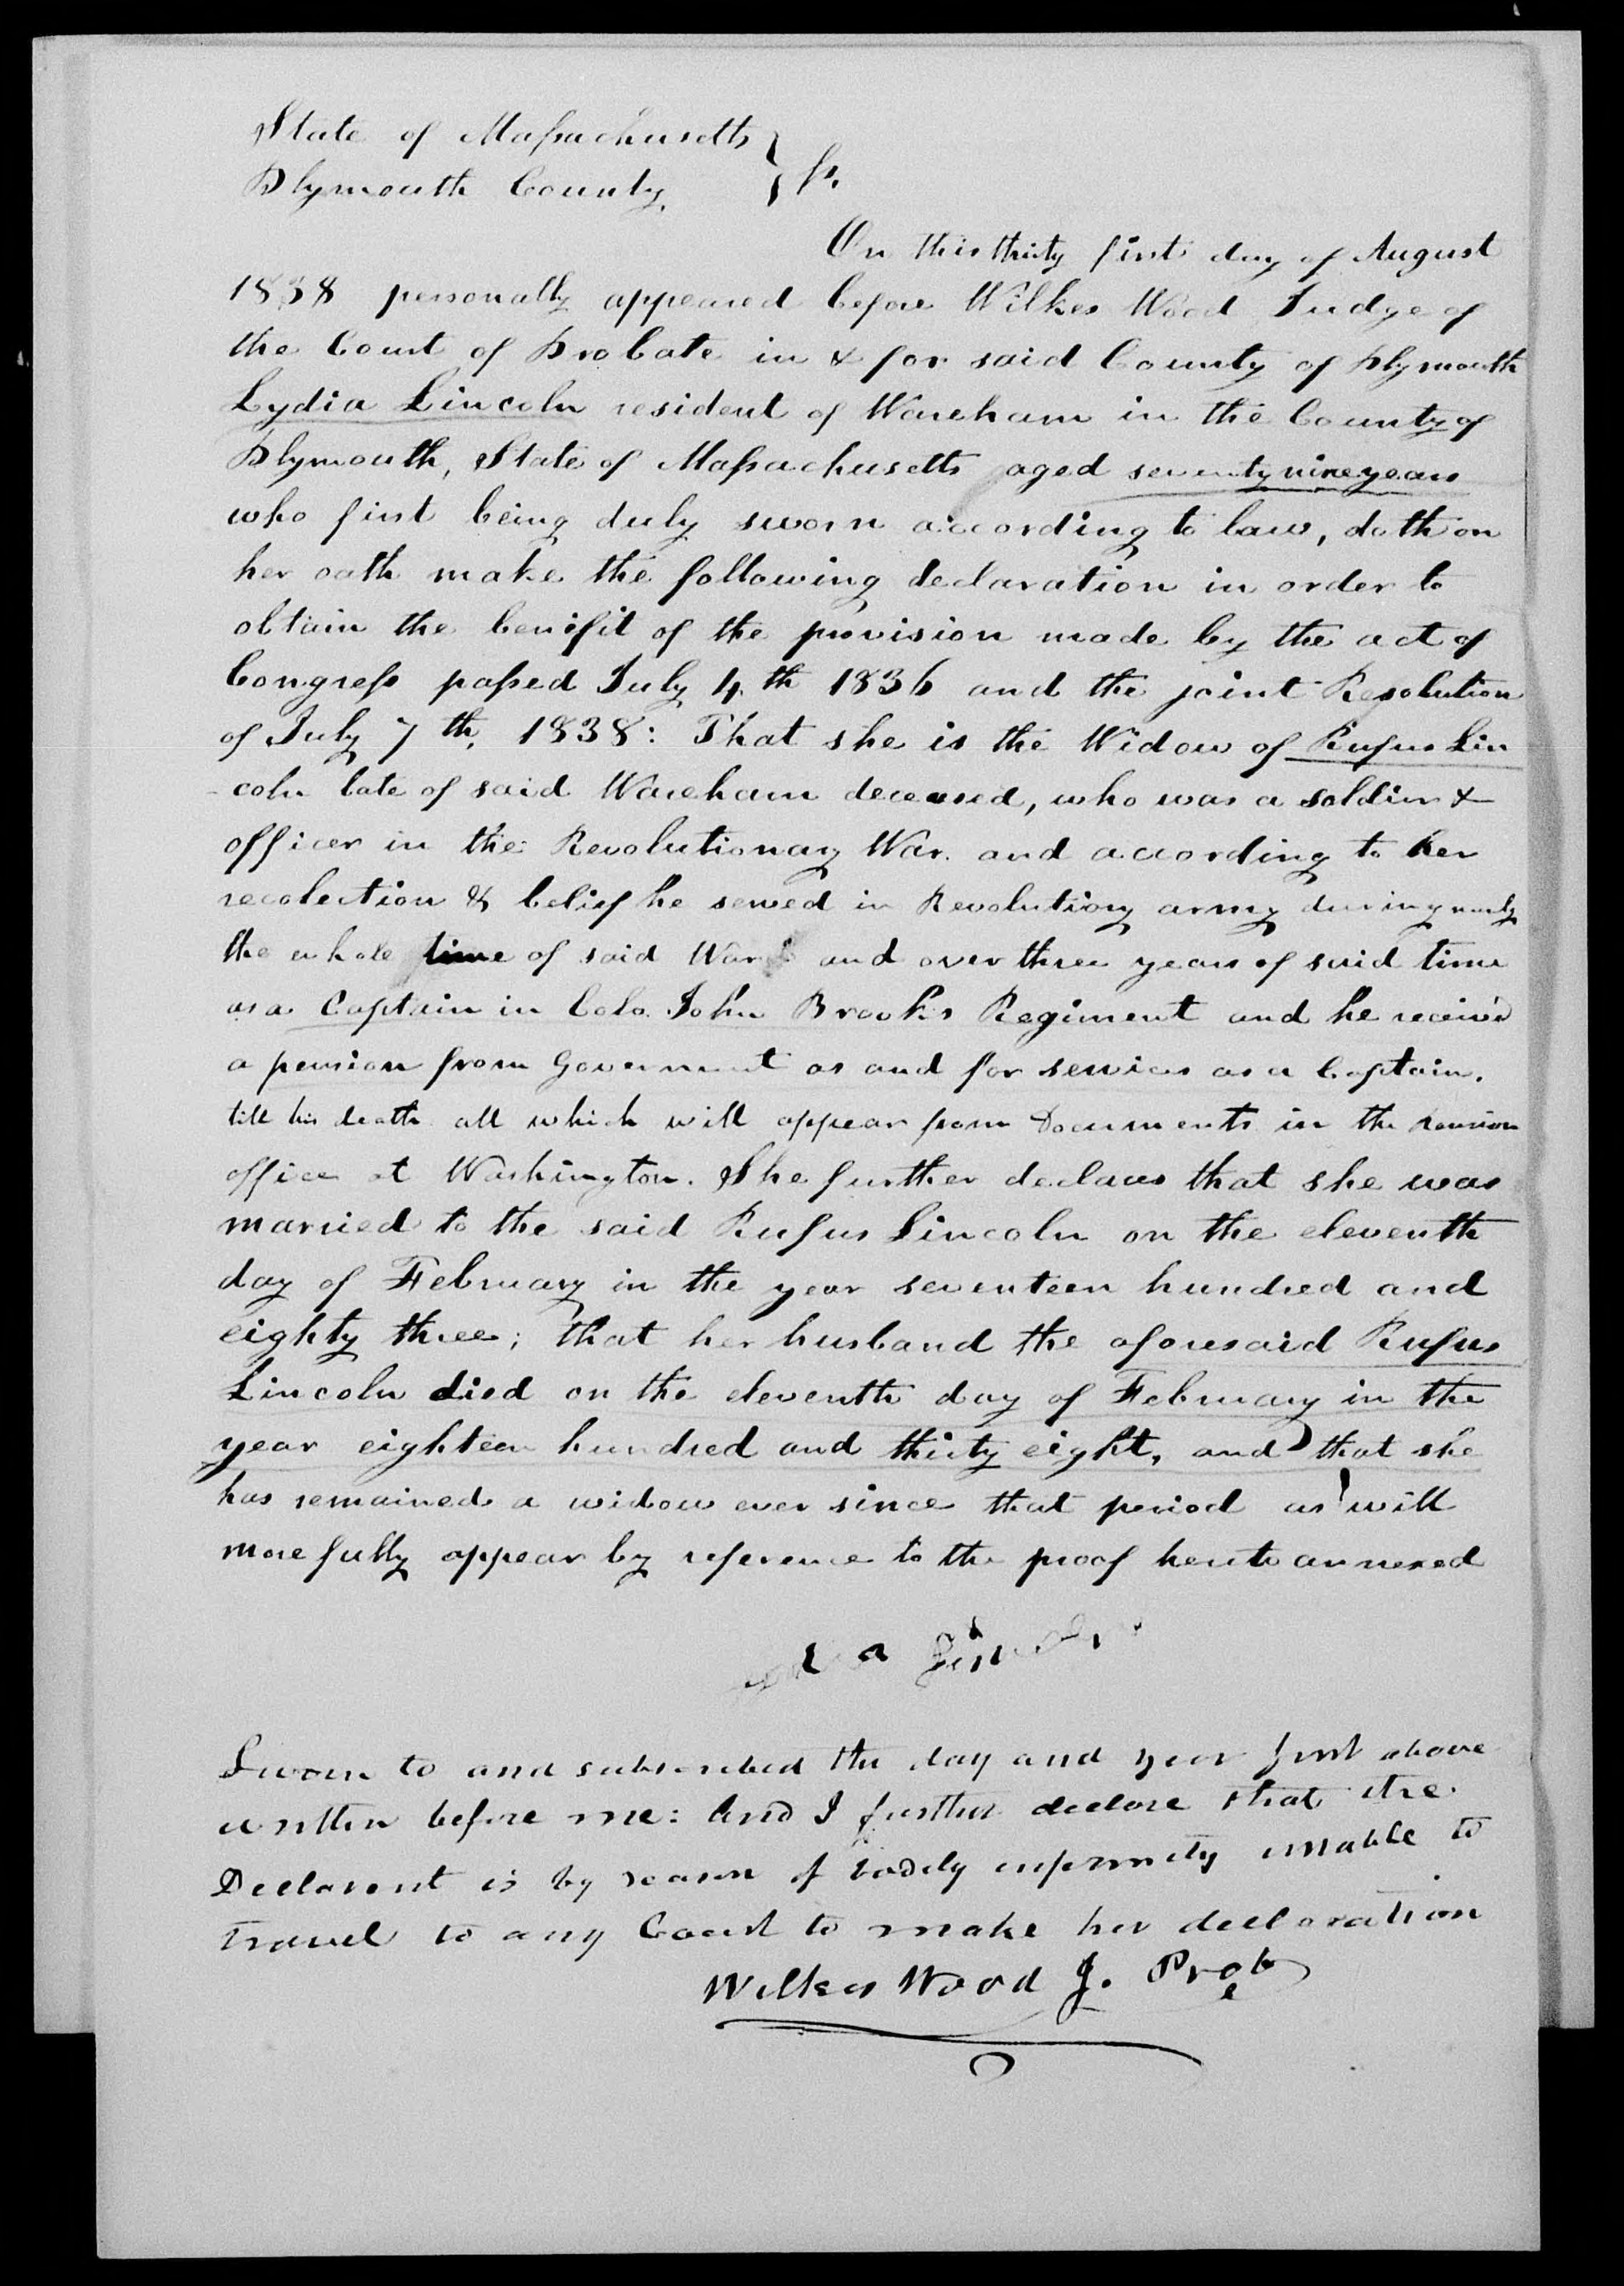State of Massachusetts}
Plymouth County         } ss
On this thirty first day of August 1858 personally appeared before Wilkes Wood Judge of the Court of Probate in & for said County of Plymouth Lydia Lincoln resident of Wareham in the County of Plymouth, State of Massachusetts aged seventy nine years
who first being duly sworn according to law, doth on her oath make the following declaration in order to obtain the benefit of the provision made by the act of Congress passed July 4th 1836 and the joint Resolution
of July 7th 1838: That she is the Widow of Rufus Lincoln  late of said Wareham deceased, who was a soldier & officer in the Revolutionary War and according to her
recolection & belief he served in Revolutionary army during nearly the whole time of said War and over three years of said time as a captain in Colo. John Brooks Regiment and he received
a pension from Goverment as and for services as a Captain till his death all which will appear from Documents in the Pension office at Washington. She further declares that she was
married to the said Rufus Lincoln on the eleventh day of February in the year seventeen hundred and eighty three; that her husband the aforesaid Rufus Lincoln died on the eleventh day of February in the year eighteen hundred and thirty eight, and that she has
remained a widow ever since that period as will more fully appear by reference to the proof hereto annexed-
Lydia Lincoln

Sworn to and subscribed the day and year first above written before me and I further declare that the Declarant is by reason of bodily infirmity unable to travel to any Court to make her declaration-
Wilkes Wood   J. Prob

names: Lydia Lincoln; Rufus Lincoln; Wilkes Wood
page: 11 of 82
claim: widow's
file: W. 13,634, for Rufus Lincoln, Massachusetts